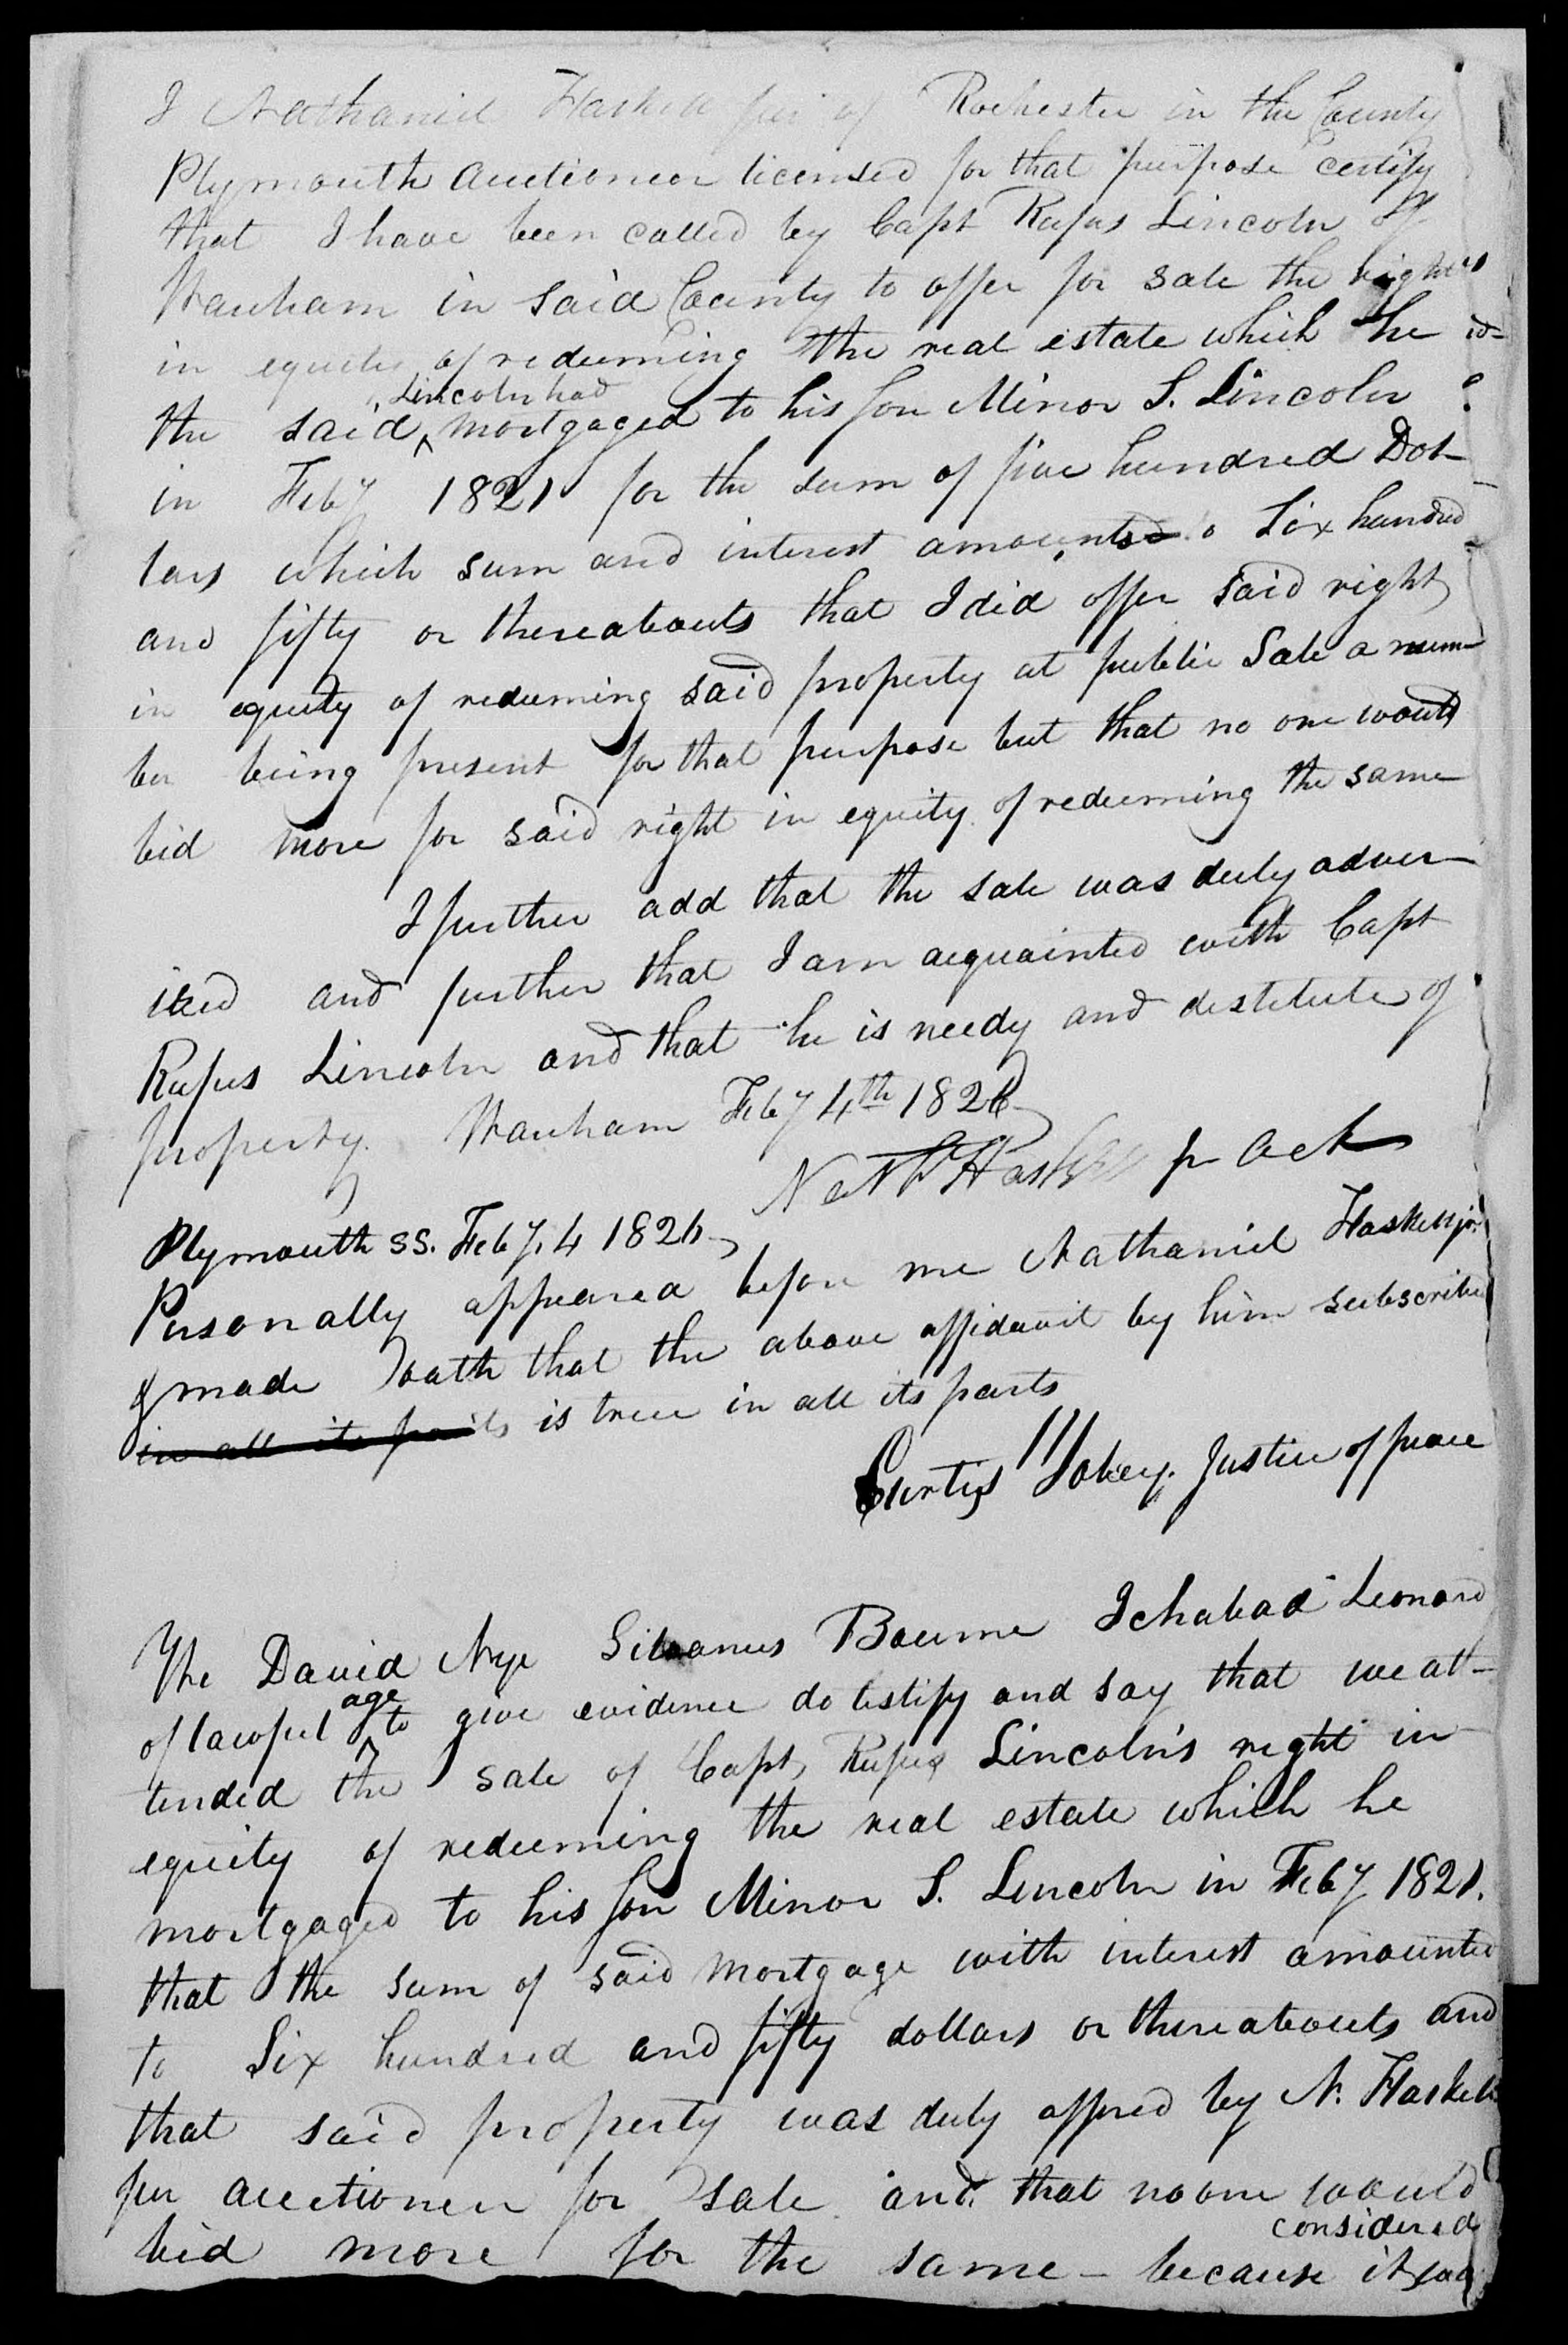I Nathaniel Haskell per of Rochester in the County of Plymouth Auctioneer licensed for that purpose certify that I have been called by Capt Rufus Lincoln of Wareham in said County to offer for sale the rights in equity of redeeming the real estate which he the said
Lincoln had  mortgaged to his son Minor S. Lincoln in Feby 1821 for the sum of five hundred Dollars which sum and interest amounted to Six hundred and fifty or thereabouts that I did offer said rights
in equity of redeeming said property at Public Sale a number being present for that purpose but that no one would bid more for said right in equity of redeeming the same-
I further add that the sale was duly advertised and further that I am acquainted with
Capt Rufus Lincoln and that he is needy and destitute of property. Wareham Feby 4th 1826
Nathaniel Haskell     for Act

Plymouth SS. Feby 4 1826
Personally appeared before me Nathaniel Haskell and made oath that the above affidavit by him subscribed is true in all its parts
Curtis Tobey. Justice of peace

That David Nye, Silvanus Bourne, Ichabod Leonard of lawful age to give evidence do testify and say that we attended the sale of Capt Rufus Lincoln's right in equity of redeeming the real estate which he mortgaged to his son Minor S. Lincoln in Feby 1821
that the sum of said mortgage with interest amounted to Six hundred and fifty dollars or thereabouts and that said property was duly
offered by N. Haskell per auctioneer for sale and that no one would bid more for the same-- because it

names: Ichabad Leonard; Rufus Lincoln; Nathaniel Haskell; Minor S Lincoln; Curtis Tobey; David Nye; Silvanus Baurne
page: 71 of 82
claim: widow's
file: W. 13,634, for Rufus Lincoln, Massachusetts